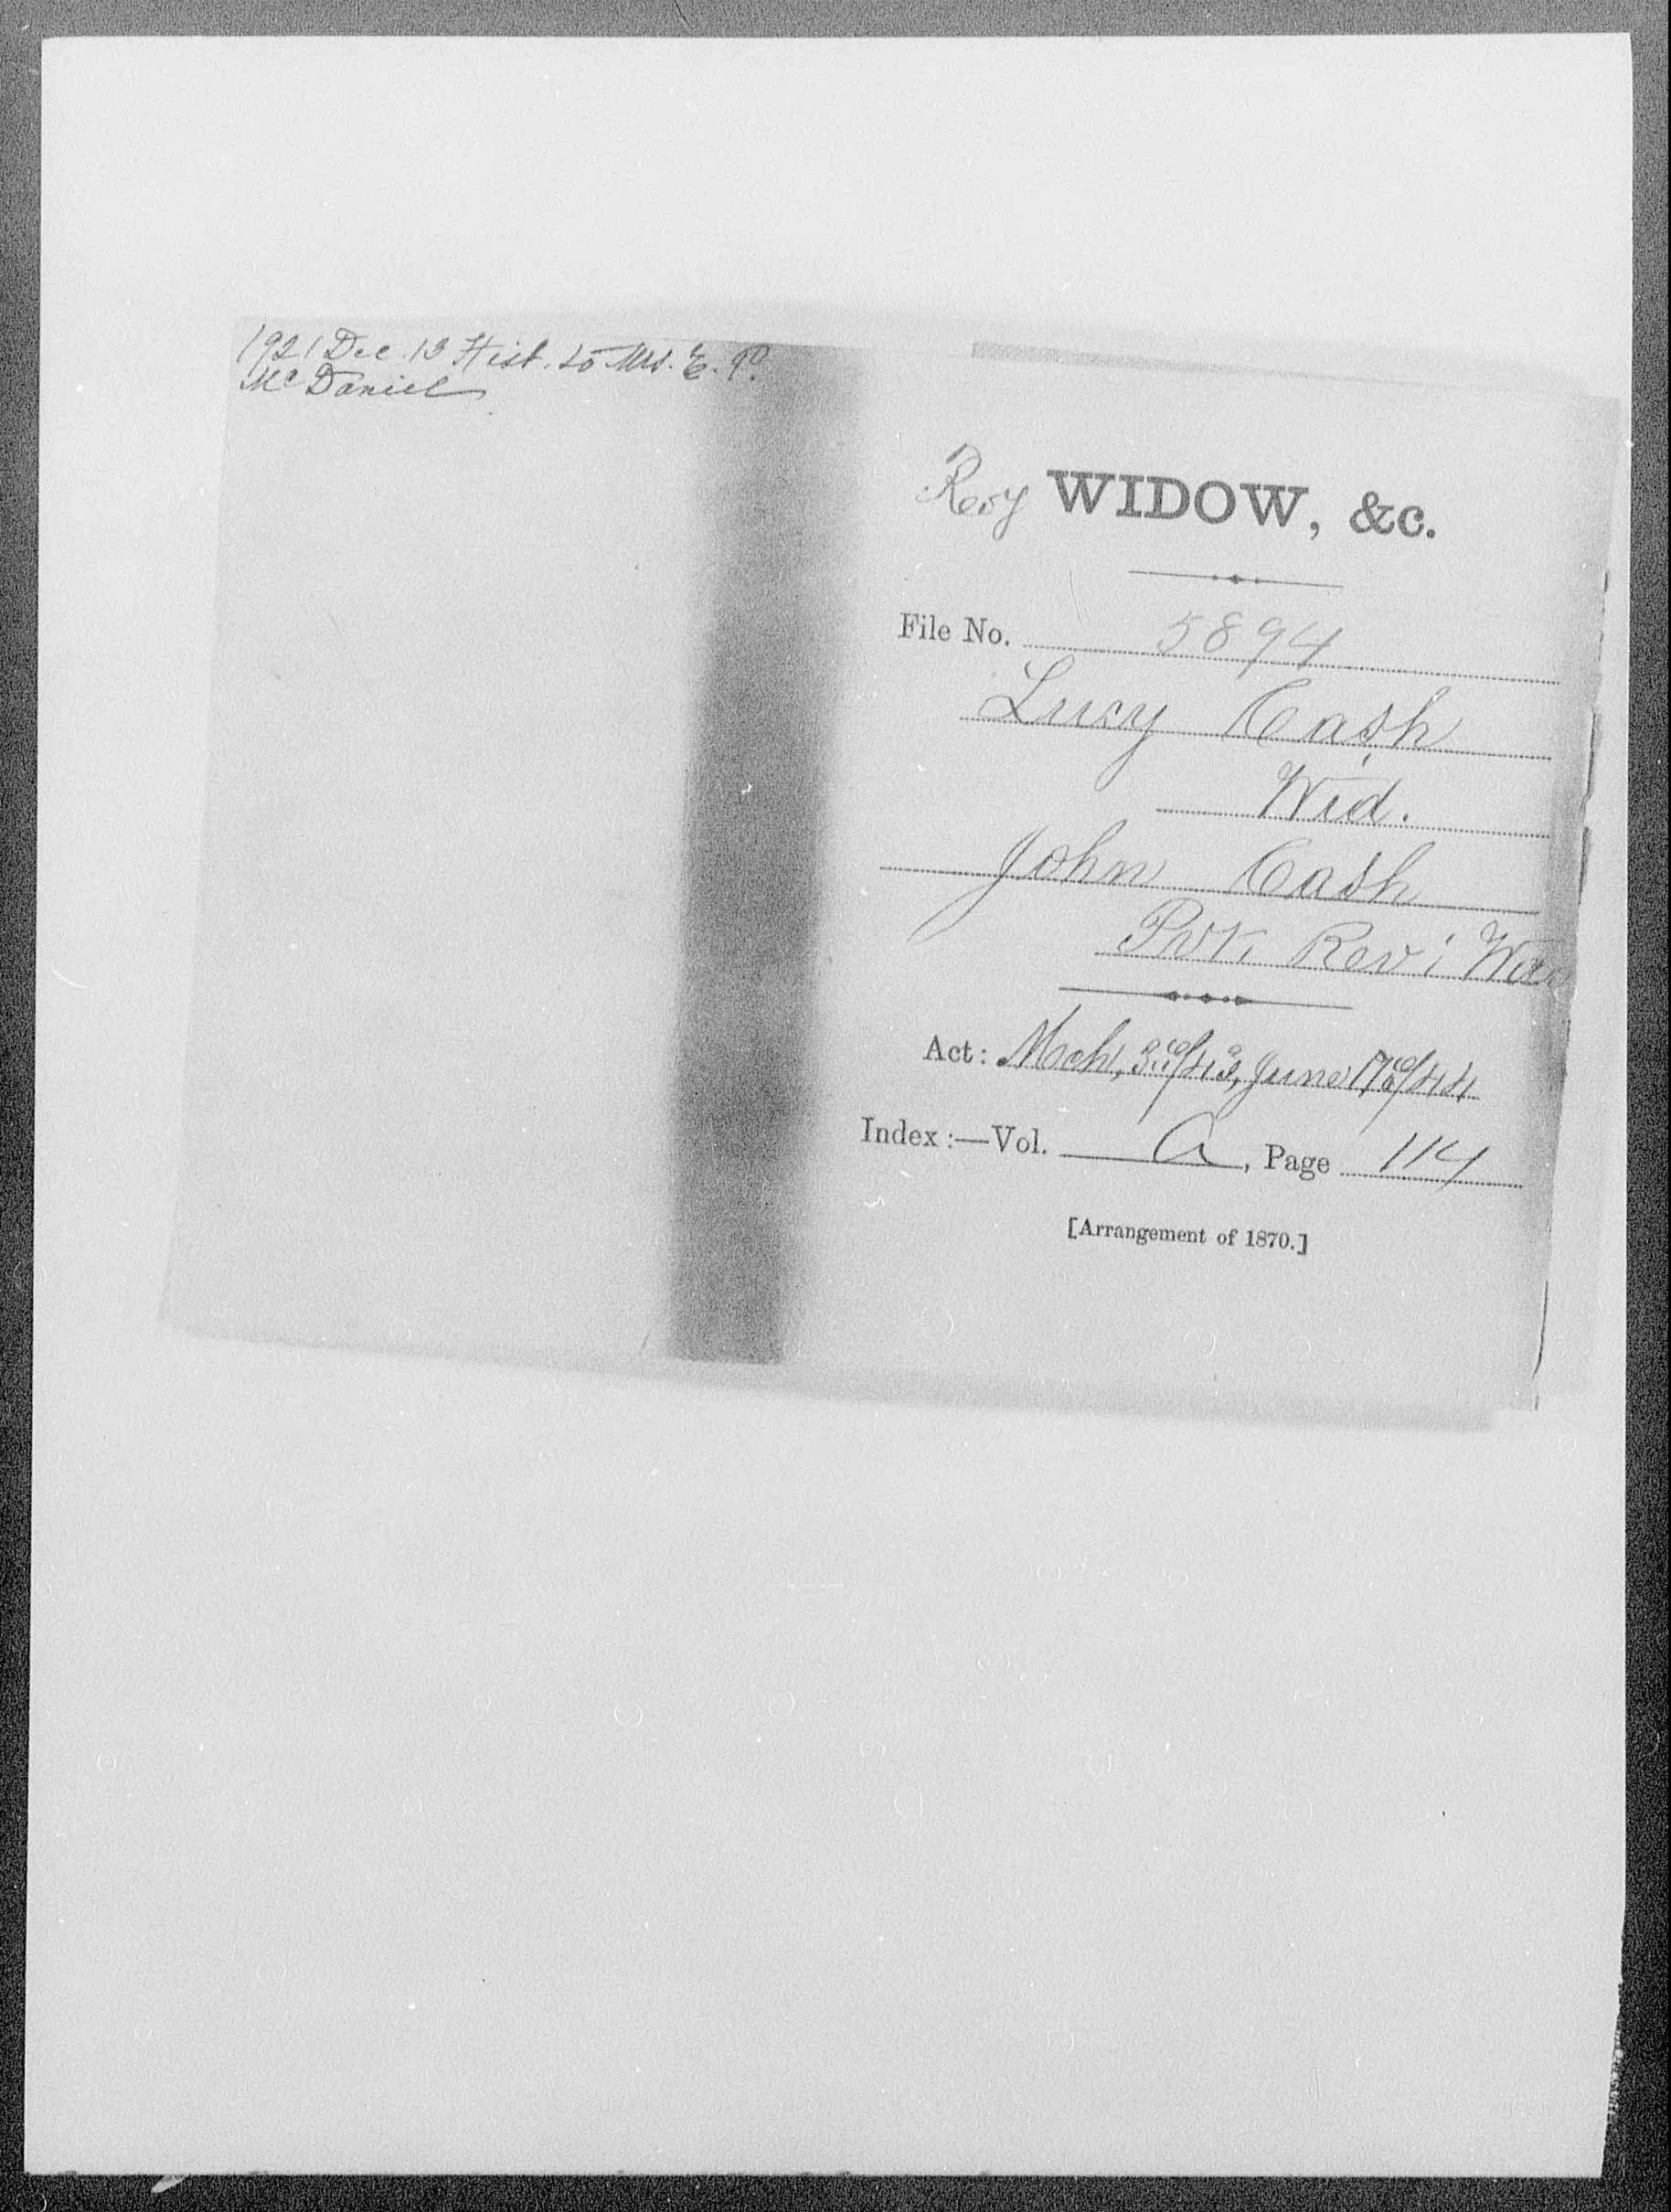1921 2 Dec. 13 Hist to Mrs. J.P
McDaniel



Revy WIDOW, &c.
File No. 5894

Lucy Cash
Wid.

John Cash
Pvt. Rev War
---
Act: M.  June 141781
Index: -- Vol. A. Page 14
Arrangement of 1870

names: Lucy Cash, E P Mc Daniel, John Cash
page: 21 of 73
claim: widow's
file: W. 5,894, John Cash, Va.